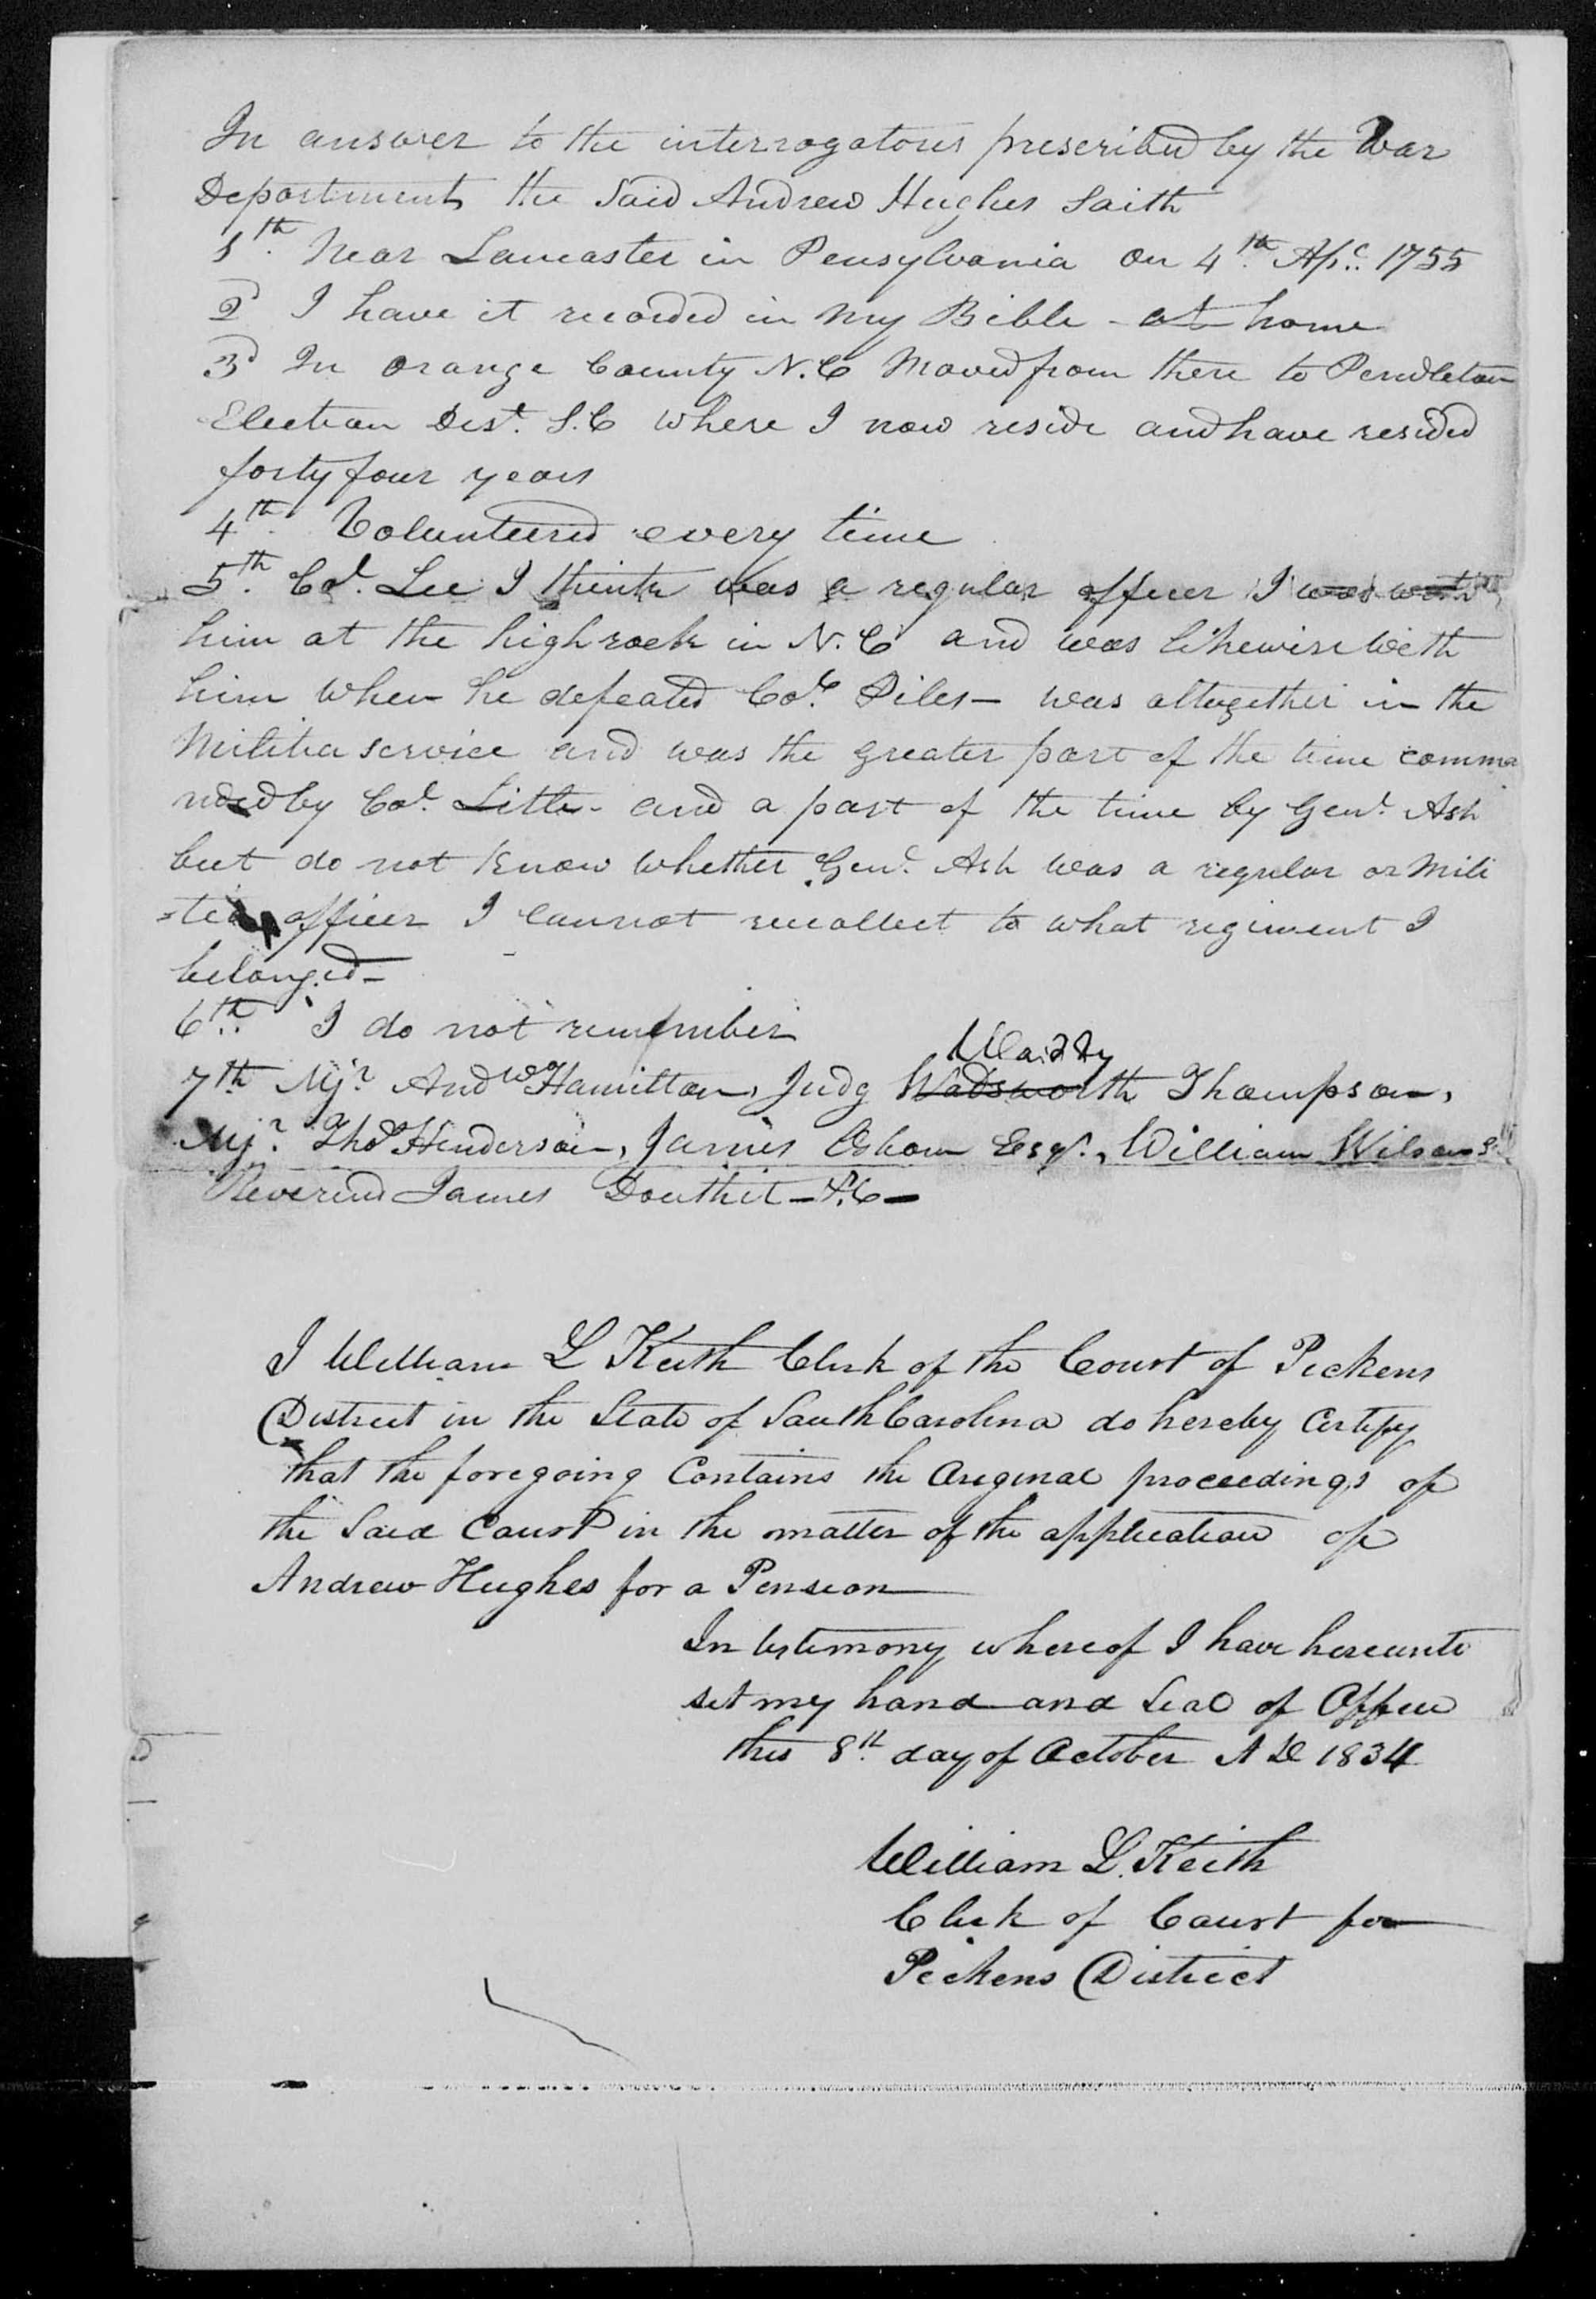In answer to the interrogators prescribed by the War Department the said Andrew Hughes saith
1st Near Lancaster in Pensylvania on 4th Ap. 1755
2d I have it recorded in my Bible at home
3d In Orange County N. C. moved from there to Pendleton Election Dist. S.C. where I now reside and have resided forty four years
4th Volunteered every time
5th Col Lee I think was a regular officer I was with him at the high rock in N.C. and was likewise with him when he defeated Col Piles -was altogether in the Militia service and was the greater part of the time commanded by Col Litle and a part of the time by Genl Ash but do not know whether Genl Ash was a regular or military officer I cannot recollect to what regiment I belonged
6th I do not remember
7th Mjr Andw Hamilton, Judge Waddy Thompson Mjr Thos Henderson, James Osborn Esq., William Wilson Reverend James Douthit [illegible]
I William L Keith Clerk of the Court of Pickens
District in the State of South Carolina do hereby certify that the foregoing contains the Original proceedings of the said Court in the matter of the application of Andrew Hughes for a Pension
In testimony whereof I have hereunto
set my hand and seal of Office
this 8th day of October A D 1834
William L. Keith
Clerk of Court for
Pickens District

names: Ash, Thos Henderson, Litle, William L Keith, William Wilson, James Osborn, Waddy Thompson, Piles, Andrew Hughes, Andw Hamilton, Lee, James Douthit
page: 8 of 75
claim: widow's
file: W. 25805, Andrew Hughes, N.C.